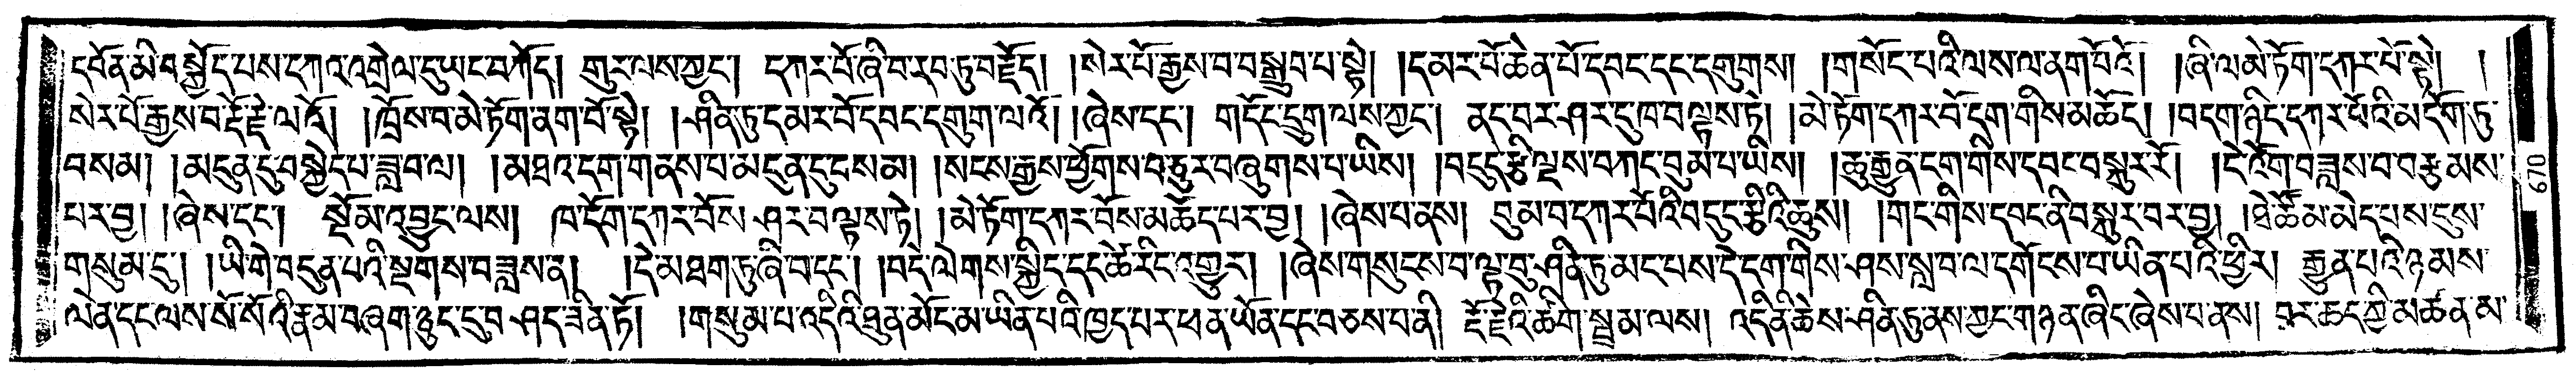དཔོན་མི་བསྐྱོད་པས་དཀའ་འགྲེལ་དུ་ཡང་བཀོད། གུར་ལས་ཀྱང་། དཀར་པོ་ཞི་བ་རབ་ཏུ་བརྗོད། །སེར་པོ་རྒྱས་པ་བསྒྲུབ་པ་སྟེ། །དམར་པོ་ཆེན་པོ་དབང་དང་དགུགས། །གསོང་པའི་ལས་ལ་ནག་པོའོ། །ཞི་ལ་མེ་ཏོག་དཀར་པོ་སྟེ། །
སེར་པོ་རྒྱས་བ་རྡོ་རྗེ་ལའོ། །ཁྲོས་བ་མེ་ཏོག་ནག་པོ་སྟེ། །ཤིན་ཏུ་དམར་པོ་དབང་དགུག་ལའོ། །ཞེས་དང་། གདོང་དྲུག་ལས་ཀྱང་། ནང་བར་ཤར་དུ་ཁ་བལྟས་ཏེ། །མེ་ཏོག་དཀར་པོ་དག་གིས་མཆོད། །བདག་ཉིད་དཀར་པོའི་མདོག་ཏུ་
བསམ། །མདུན་དུ་བསྐྱེད་པ་ཟླ་བ་ལ། །མཐའ་དག་གནས་པ་མདུན་དུ་བསམ། །སངས་རྒྱས་ཕྱོགས་བཅུར་བཞུགས་པ་ཡིས། །བདུད་རྩི་ལྔས་བཀང་བུམ་པ་ཡིས། །ཆུ་རྒྱུན་ངག་གིས་དབང་བསྐུར་རོ། །དེ་འོག་བཟླས་བ་བརྩམས་
པར་བྱ། །ཞེས་དང་། སྡོམ་འབྱུང་ལས། ཁ་དོག་དཀར་པོས་ཤར་བལྟས་ཏེ། །མེ་ཏོག་དཀར་པོས་མཆོད་པར་བྱ། །ཞེས་པ་ནས། བུམ་པ་དཀར་པོའི་བདུད་རྩིའི་ཆུས། །གང་གིས་དབང་ནི་བསྐུར་བར་བྱ། །ཐེ་ཚོམ་མེད་པས་དུས་
གསུམ་དུ། །ཡི་གེ་བདུན་པའི་སྔགས་བཟླས་ན། །དེ་མ་ཐག་ཏུ་ཞི་བ་དང་། །བདེ་ལེགས་སྐྱིད་དང་ཚེ་རིང་འགྱུར། །ཞེས་གསུངས་པ་ལྟ་བུ་ཤིན་ཏུ་མང་པས་དེ་དག་གིས་ཤས་སླ་བ་ལ་དགོངས་པ་ཡིན་པའི་ཕྱིར། རྒྱུན་པའི་ཉམས་
ལེན་དང་ལས་སོ་སོའི་རྣམ་བཞག་ཉུང་དུ་བཤད་ཟིན་ཏོ། །གསུམ་པ་འདིའི་ཐུན་མོང་མ་ཡིན་པའི་ཁྱད་པར་ཕན་ཡོན་དང་བཅས་པ་ནི། རྡོ་རྗེའི་ཚིག་སྦྲམ་ལས། འདི་ནི་ཆེས་ཤིན་ཏུ་ནས་ཀྱང་གཉན་ཞིང་ཞེས་པ་ནས། བར་ཆད་ཀྱི་མཚན་མ་